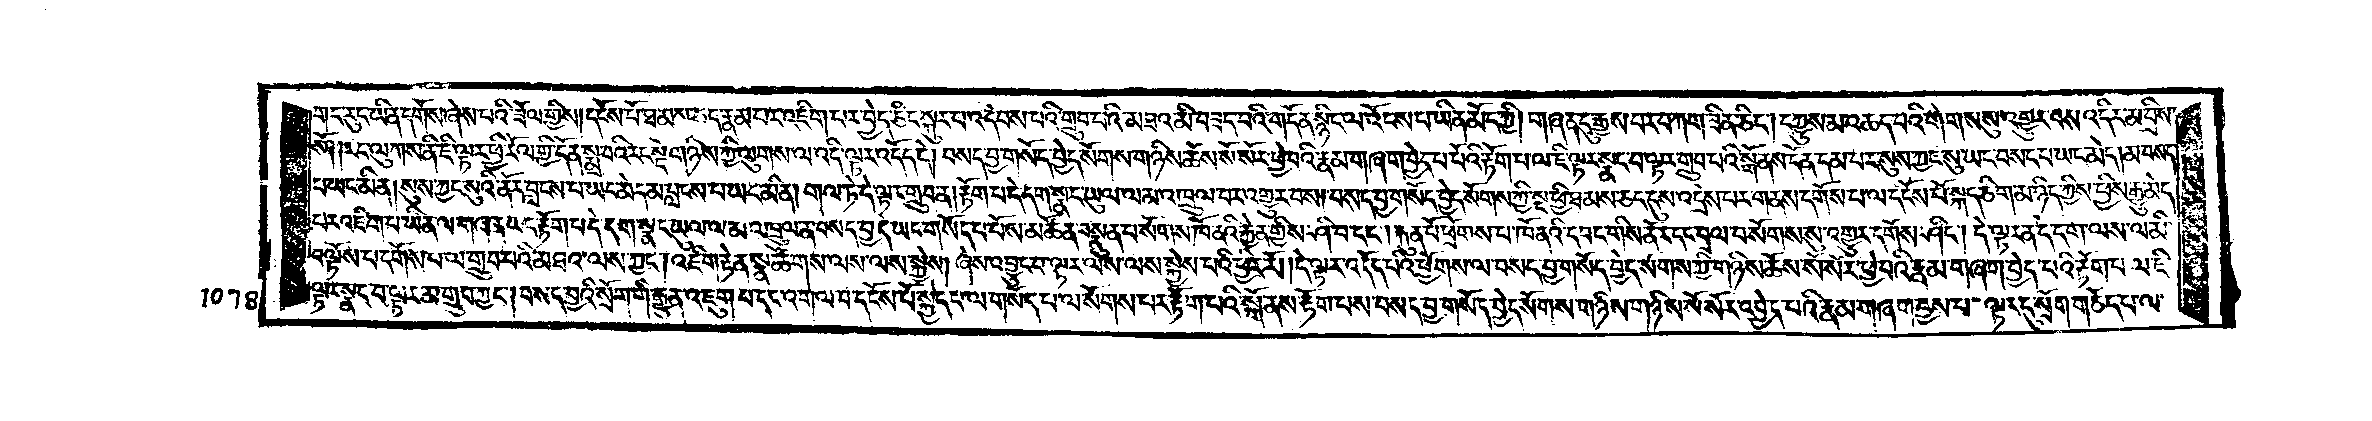གང་རུང་ཡིན་དགོས་ཞེས་པའི་ཟོལ་གྱིས། དངོས་པོ་ཐམས་ཅད་རྣམ་པར་འཇིག་པར་བྱེད་ཅིང་སྐུར་པ་འདེབས་པའི་གྲུབ་པའི་མཐའ་མི་བཟད་པའི་གདོན་སྙིང་ལ་འོངས་པ་ཡིན་མོད་ཀྱི། གཞན་དུ་རྒྱས་པར་བཀག་ཟིན་ཅིང་། དཀྱུས་མ་འཆད་པའི་གེགས་སུ་འགྱུར་བས་འདིར་མ་བྲིས་
སོ། །རང་ལུགས་ནི་ཇི་ལྟར་ཕྱི་རོལ་གྱི་དོན་སྨྲ་བའི་རང་སྡེ་གཉིས་ཀྱི་ལུགས་ལ་འདི་ལྟར་འདོད་དེ། བསད་བྱ་གསོད་བྱེད་སོགས་གཉིས་ཆོས་སོ་སོར་ཕྱེ་བའི་རྣམ་གཞག་བྱེད་པ་པོའི་རྟོག་པ་ལ་ཇི་ལྟར་སྣང་བ་ལྟར་གྲུབ་པའི་སྒོ་ནས་དོན་དམ་པར་སུས་ཀྱང་སུ་ཡང་བསད་པ་ཡང་མེད། མ་བསད་
པ་ཡང་མིན། སུས་ཀྱང་སུའི་ནོར་བླངས་པ་ཡང་མེད་མ་བླངས་པ་ཡང་མིན། གལ་ཏེ་དེ་ལྟར་གྲུབ་ན། རྟོག་པ་དེ་དག་སྣང་ཡུལ་ལམ་འཁྲུལ་བར་འགྱུར་བས། བསད་བྱ་གསོད་བྱེད་སོགས་ཀྱི་སྔ་ཕྱི་ཐམས་ཅད་དུས་འདྲེས་པར་གནས་དགོས་པ་ལ་དངོས་པོ་སྐད་ཅིག་མ་ཉིད་ཀྱིས་ཕྱིས་རྒྱུ་མེད་
པར་འཇིག་པ་ཡིན་ལ་གཞན་ཡང་རྟོག་པ་དེ་དག་སྣང་ཡུལ་ལ་མ་འཁྲུལ་ན་བསད་བྱ་དེ་ཡང་གསོད་པ་པོས་མཚོན་བསྣུན་པ་སོགས་ཁོ་ནའི་རྐྱེན་གྱིས་ཤི་བ་དང་། རྐུན་པོ་ཕྲོགས་པ་ཁོ་ནའི་དབང་གིས་ནོར་དང་བྲལ་བ་སོགས་སུ་འགྱུར་དགོས་ཤིང་། དེ་ལྟར་ན་དེ་དག་ལས་ལ་མི་
བལྟོས་པ་དགོས་པ་ལ་གྲུབ་པའི་མཐའ་ལས་ཀྱང་། འཇིག་རྟེན་སྣ་ཚོགས་ལས་ལས་སྐྱེས། ཞེས་འབྱུང་བ་ལྟར་ལས་ལས་སྐྱེས་པའི་ཕྱིར་རོ། །དེ་ལྟར་འདོད་པའི་ཕྱོགས་ལ་བསད་བྱ་གསོད་བྱེད་སོགས་ཀྱི་གཉིས་ཆོས་སོ་སོར་ཕྱེ་བའི་རྣམ་གཞག་བྱེད་པའི་རྟོག་པ་ལ་ཇི་
ལྟར་སྣང་བ་ལྟར་མ་གྲུབ་ཀྱང་། བསད་བྱའི་སྲོག་གི་རྒྱུན་འཇུག་པ་དང་འགལ་བ་དངོས་པོ་སྐྱེད་པ་ལ་གསོད་པ་ལ་སོགས་པར་རྟོག་པའི་སྒོ་ནས་རྟོག་པས་བསད་བྱ་གསོད་བྱེད་སོགས་གཉིས་གཉིས་སོ་སོར་འབྱེད་པའི་རྣམ་གཞག་བྱས་པ་ལྟར་དུ་སྲོག་གཅོད་པ་ལ་